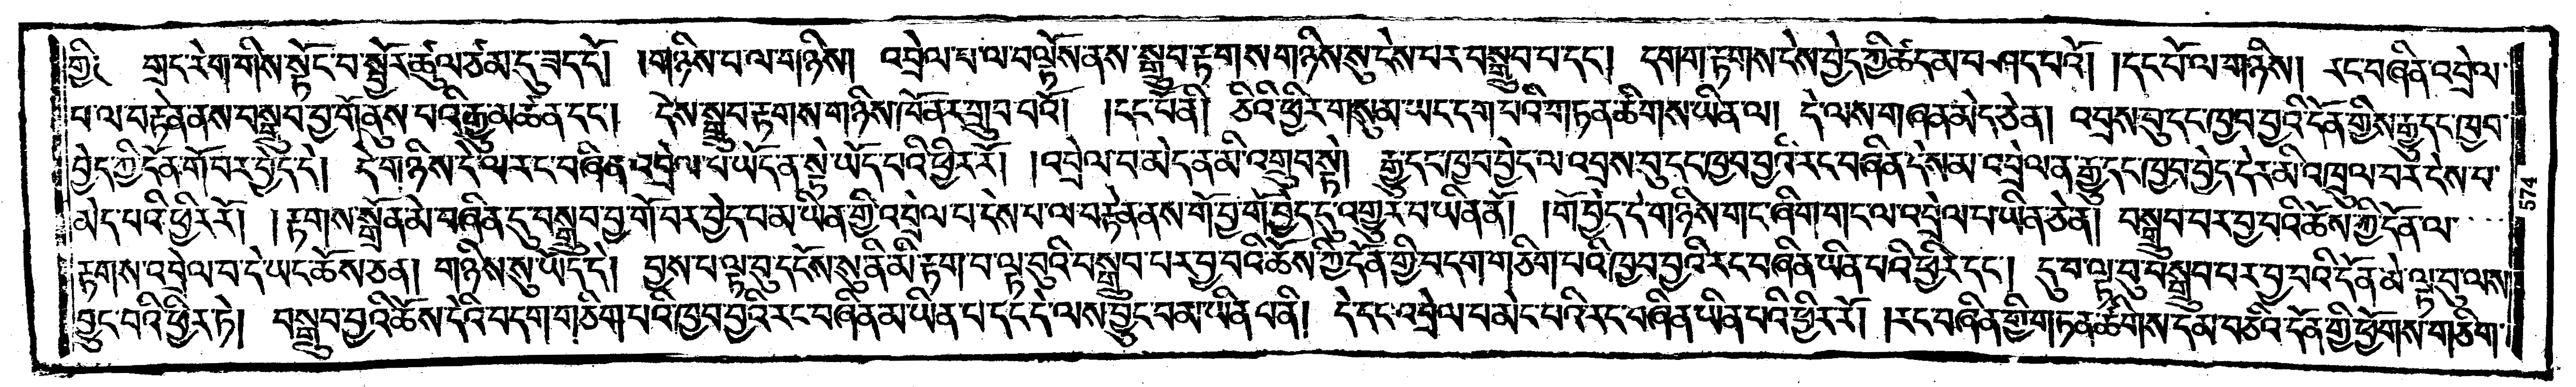གྱི༑ གྲང་རེག་གི་སྟོང་བ་སྦྱོར་ཚུལ་ཙམ་དུ་ཟད་དོ། །གཉིས་པ་ལ་གཉིས། འབྲེལ་པ་ལ་བལྟོས་ནས་སྒྲུབ་རྟགས་གཉིས་སུ་ངེས་པར་བསྒྲུབ་པ་དང་། དགག་རྟགས་ངེས་བྱེད་ཀྱི་ཚད་མ་བཤད་པའོ། །དང་པོ་ལ་གཉིས། རང་བཞིན་འབྲེལ་
པ་ལ་བརྟེན་ནས་བསྒྲུབ་བྱ་གོ་ནུས་པའི་རྒྱུ་མཚན་དང་། དེས་སྒྲུབ་རྟགས་གཉིས་ཁོ་ནར་གྲུབ་བའོ། །དང་པོ་ནི། ཅིའི་ཕྱིར་གསུམ་ཡང་དག་པའི་གཏན་ཚིགས་ཡིན་ལ། དེ་ལས་གཞན་མེད་ཅེ་ན། འབྲས་བུ་དང་ཁྱབ་བྱའི་དོན་གྱིས་རྒྱུ་དང་ཁྱབ་
བྱེད་ཀྱི་དོན་གོ་བར་བྱེད་དེ། དེ་གཉིས་དེ་ལ་རང་བཞིན་འབྲེལ་པ་ཡོད་ན་སྟེ་ཡོད་པའི་ཕྱིར་རོ། །འབྲེལ་བ་མེད་ན་མི་འགྲུབ་སྟེ། རྒྱུ་དང་ཁྱབ་བྱེད་ལ་འབྲས་བུ་དང་ཁྱབ་བྱའི་རང་བཞིན་དེས་མ་འབྲེལ་ན་རྒྱུ་དང་ཁྱབ་བྱེད་དེར་མི་འཁྲུལ་བར་ངེས་པ་
མེད་པའི་ཕྱིར་རོ། །རྟགས་སྒྲོན་མེ་བཞིན་དུ་བསྒྲུབ་བྱ་གོ་བར་བྱེད་པ་མ་ཡིན་གྱི་འབྲེལ་པ་ངེས་པ་ལ་བརྟེན་ནས་གོ་བྱ་གོ་བྱེད་དུ་འགྱུར་པ་ཡིན་ནོ། །གོ་བྱེད་དེ་གཉིས་གང་ཞིག་གང་ལ་འབྲེལ་པ་ཡིན་ཅེ་ན། བསྒྲུབ་བར་བྱ་བའི་ཆོས་ཀྱི་དོན་ལ་
རྟགས་འབྲེལ་བ་དེ་ཡང་ཆོས་ཅན། གཉིས་སུ་ཡོད་དེ། བྱས་པ་ལྟ་བུ་དངོས་སུ་ནི་མི་རྟག་པ་ལྟ་བུའི་བསྒྲུབ་པར་བྱ་བའི་ཆོས་ཀྱི་དོན་གྱི་བདག་གཅིག་པའི་ཁྱབ་བྱའི་རང་བཞིན་ཡིན་པའི་ཕྱིར་དང་། དུ་བ་ལྟ་བུ་བསྒྲུབ་པར་བྱ་བའི་དོན་མེ་ལྟ་བུ་ལས་
བྱུང་བའི་ཕྱིར་ཏེ། བསྒྲུབ་བྱའི་ཆོས་དེའི་བདག་གཅིག་པའི་ཁྱབ་བྱའི་རང་བཞིན་མ་ཡིན་པ་དང་དེ་ལས་བྱུང་བ་མ་ཡིན་པ་ནི། དེ་དང་འབྲེལ་པ་མེད་པའི་རང་བཞིན་ཡིན་པའི་ཕྱིར་རོ། །རང་བཞིན་གྱི་གཏན་ཚིགས་དམ་བཅའི་དོན་གྱི་ཕྱོགས་གཅིག་